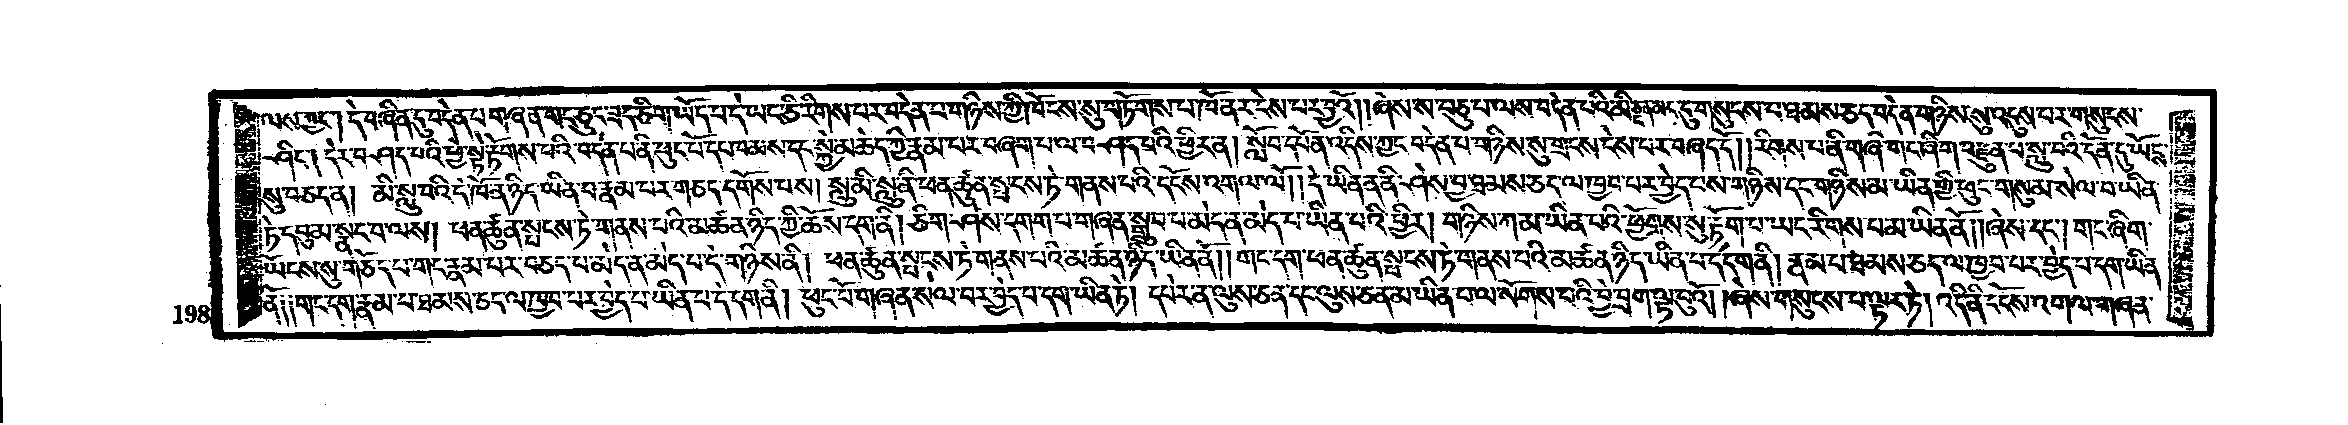ལས་ཀྱང་། དེ་བཞིན་དུ་བདེན་པ་གཞན་གང་ཅུང་ཟད་ཅིག་ཡོད་པ་དེ་ཡང་ཅི་རིགས་པར་བདེན་པ་གཉིས་ཀྱི་ཁོངས་སུ་གཏོགས་པ་ཁོ་ནར་ངེས་པར་བྱའོ། །ཞེས་ས་བཅུ་པ་ལས་བདེན་པའི་མིང་ཅན་མང་དུ་གསུངས་པ་ཐམས་ཅད་བདེན་གཉིས་སུ་འདུས་པར་གསུངས་
ཤིང་། དེར་བཤད་པའི་ཕྱེ་སྟེ་རྟོགས་པའི་བདེན་པ་ནི་ཕུང་པོ་དང་ཁམས་དང་སྐྱེ་མཆེད་ཀྱི་རྣམ་པར་བཞག་པ་ལ་བཤད་པའི་ཕྱིར་ན། སློབ་དཔོན་འདིས་ཀྱང་བདེན་པ་གཉིས་སུ་གྲངས་ངེས་པར་བཞེད་དོ། །རིགས་པ་ནི་གཞི་གང་ཞིག་བརྫུན་པ་སླུ་བའི་དོན་དུ་ཡོངས་
སུ་བཅད་ན། མི་སླུ་བའི་དེ་ཁོ་ན་ཉིད་ཡིན་པ་རྣམ་པར་གཅད་དགོས་པས། སླུ་མི་སླུ་ནི་ཕན་ཚུན་སྤངས་ཏེ་གནས་པའི་དངོས་འགལ་ལོ། །དེ་ཡིན་ན་ནི་ཤེས་བྱ་ཐམས་ཅད་ལ་ཁྱབ་པར་བྱེད་པས་གཉིས་དང་གཉིས་མ་ཡིན་གྱི་ཕུང་གསུམ་སེལ་བ་ཡིན་
ཏེ་དབུ་མ་སྣང་བ་ལས། ཕན་ཚུན་སྤངས་ཏེ་གནས་པའི་མཚན་ཉིད་ཀྱི་ཆོས་དག་ནི། ཅིག་ཤེས་དགག་པ་གཞན་སྒྲུབ་པ་མེད་ན་མེད་པ་ཡིན་པའི་ཕྱིར། གཉིས་ཀ་མ་ཡིན་པའི་ཕྱོགས་སུ་རྟོག་པ་ཡང་རིགས་པ་མ་ཡིན་ནོ། །ཞེས་དང་། གང་ཞིག་
ཡོངས་སུ་གཅོད་པ་གང་རྣམ་པར་བཅད་པ་མེད་ན་མེད་པ་དེ་གཉིས་ནི། ཕན་ཚུན་སྤངས་ཏེ་གནས་པའི་མཚན་ཉིད་ཡིན་ནོ། །གང་དག་ཕན་ཚུན་སྤངས་ཏེ་གནས་པའི་མཚན་ཉིད་ཡིན་པ་དེ་དག་ནི། རྣམ་པ་ཐམས་ཅད་ལ་ཁྱབ་པར་བྱེད་པ་དག་ཡིན་
ནོ། །གང་དག་རྣམ་པ་ཐམས་ཅད་ལ་ཁྱབ་པར་བྱེད་པ་ཡིན་པ་དེ་དག་ནི། ཕུང་པོ་གཞན་སེལ་བར་བྱེད་པ་དག་ཡིན་ཏེ། དཔེར་ན་ལུས་ཅན་དང་ལུས་ཅན་མ་ཡིན་པ་ལ་སོགས་པའི་བྱེ་བྲག་ལྟ་བུའོ། །ཞེས་གསུངས་པ་ལྟར་ཏེ། འདི་ནི་དངོས་འགལ་གཞན་